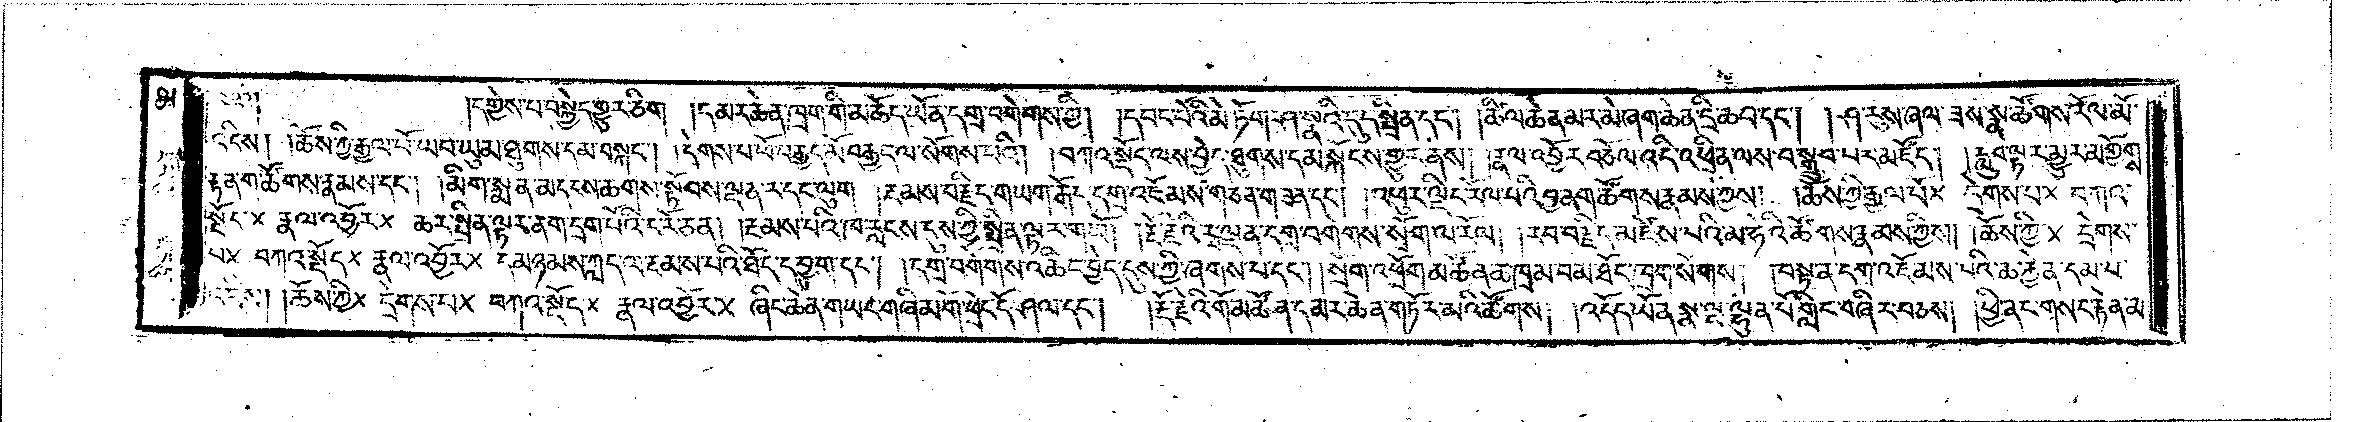༄༅། །དགྱེས་པ་སྐྱེད་གྱུར་ཅིག །དམར་ཆེན་ཁྲག་གི་མཆོད་ཡོན་དགྲ་བགེགས་ཀྱི། །དབང་པོའི་མེ་ཏོག་ཤ་སྣའི་དུད་སྤྲིན་དང་། །ཚུལ་ཆེན་མར་མེ་ཞག་ཆེན་དྲི་ཆབ་དང་། །ཤ་རུས་ཞལ་ཟས་སྣ་ཚོགས་རོལ་མོ་
འདིས། །ཆོས་ཀྱི་རྒྱལ་པོ་ཡབ་ཡུམ་ཐགས་དམ་བསྐང་། །དྲེགས་པ་ཕོ་བརྒྱད་མོ་བརྒྱད་ལ་སོགས་པའི། །བཀའ་སྡོང་ལས་བྱེད་ཐུགས་དམ་སྐོངས་གྱུར་ནས། །རྣལ་འབྱོར་བཅོལ་འདི་འཕྲིན་ལས་བསྒྲུབ་པར་མཛོད། །རླུ་བ་ལྟར་མྱུར་མགྱོགས་
རྟ་ནག་ཚོགས་རྣམས་དང་། །མིག་སྨན་མདངས་ཆགས་སྟོབས་ལྡན་ར་དང་ལུག །རྔམས་བརྗིད་གཡག་རྒོད་དགྲ་འཇོམས་གཅན་གཟན་དང་། །འཕུར་ལྡོང་རོལ་པའི་བྱ་ནག་ཚོགས་རྣམས་ཀྱས། །ཆོས་ཀྱི་རྒྱལ་པོ྾་དྲེགས་པ྾་བཀའ་
སྡོང྾་རྣལ་འབྱོར྾་ཆར་སྤྲིན་ལྟར་ནག་དྲག་པོའི་ང་རོ་ཅན། །རྔམས་པའི་ཁ་རླངས་དུས་ཀྱི་སྤྲིན་ལྟར་གཡོ། །རྡོ་རྗེའི་རྭ་ལྡན་དགྲ་བགེགས་སྲོག་ལ་རོལ། །རབ་བརྗོད་མཛེས་པའི་མ་ཧེའི་ཚོགས་རྣམས་ཀྱིས། །ཆོས་ཀྱི྾་དྲེགས་
པ྾་བཀའ་སྡོད྾་རྣམ་འབྱོར྾་དམ་ཉམས་ཀླད་རྔམས་པའི་ཐོད་དབྱུག་དང་། །དགྲ་བ་བགེགས་འཆིང་བྱེད་དུས་ཀྱི་ཞགས་པ་དང་། །སྲོག་འཕྲོགས་མཚོན་ཆ་ཁྲམ་པ་མཐོང་ཁྲག་སོགས། །བསྟན་ངག་འཇོམས་པའི་ཆ་རྐྱེན་དམ་པ་
འདིས། །ཆོས་ཀྱི྾་དྲེག་པ྾་བཀའ་སྡོད྾་རྣལ་འབྱོར྾་ཞིང་ཆེན་གཡང་གཞི་མགོ་ཕྲེང་དོ་ཤལ་དང་། །རྡོ་རྗེའི་གོ་མཚོན་དམར་ཆེན་གཏོར་མའི་ཚོགས། །འདོད་ཡོན་སྣ་ལྔ་ལྷུན་པོ་གླིང་བཞིར་བཅས། །ཕྱི་ནང་གསང་རྟེན་མ་